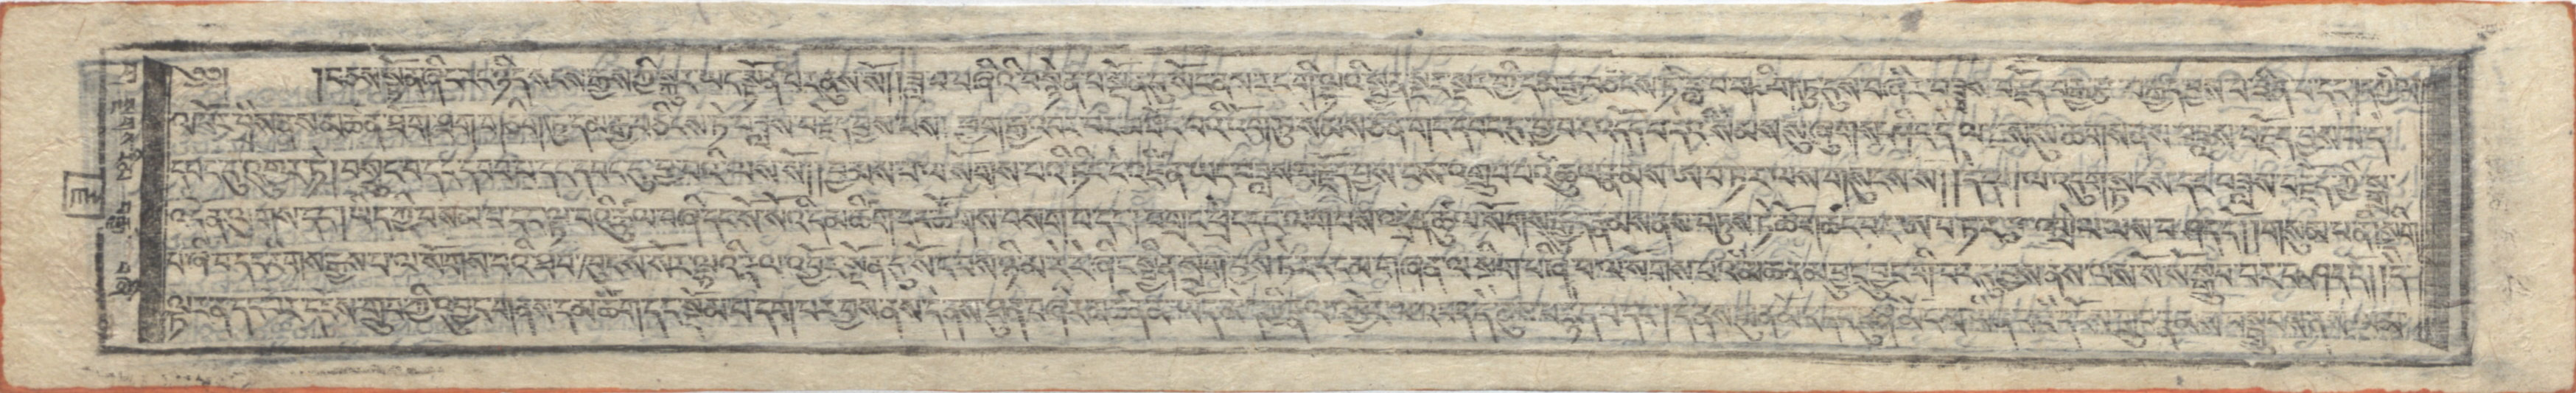༄༅། །བཅས་སྟོན་ཞིང་རང་ཉིད་སངས་རྒྱས་ཀྱི་སྐུར་ཡང་སྟོན་པར་ནུས་སོ། །ཟླ་བ་བཞིའི་བསྙེན་པ་སྔོན་དུ་སོང་ནས་རང་གི་ལྷའི་སྤྱན་སྔར་སྔར་གྱི་དམ་རྒྱ་བཅིངས་ཏེ་ཟླ་བ་གཅིག་ཏུ་དུས་བཞིར་བཟླས་བརྗོད་བརྒྱ་རྩ་བརྒྱད་བྱས་པ་ཟིན་པ་དང་། དཀྱིལ་
འཁོར་བྲིས་ནས་མཚན་ཐོག་ཐག་གཅིག་ཏུ་དམ་རྒྱ་བཅིངས་ཏེ་བཟླས་བརྗོད་བྱས་པས། ཕྱག་རྒྱ་འབར་བར་མཐོང་བའི་འོག་ཏུ་སེམས་ཅན་གང་དབང་དུ་བྱ་བར་འདོད་པ་དེའི་སེམས་སུ་ཞུགས་ཤིང་དེ་ལ་རྗེས་སུ་ཆགས་ནས་བཟླས་བརྗོད་བྱས་པ་དེ་
དབང་དུ་འགྱུར་ཏེ། བསྲུང་བ་དང་དབབ་པ་དང་དབང་དུ་བྱ་བའི་ལས་སོ། །བྱམས་པ་ལ་སོགས་པའི་ཏིང་ངེ་འཛིན་ཡང་བཟླས་བརྗོད་བྱས་པས་འགྲུབ་པའི་ཚུལ་རྣམས་ཨ་བ་ཏ་ར་ལས་གསུངས་སོ། །དེ་དག་ལ་འདུག་སྟངས་དང་བཟླས་བརྗོད་ཀྱི་སྒྲ་
འདོན་ལུགས་དང་། ཡིད་ཀྱི་བསམ་པ་དང་ལྟ་བའི་ཚུལ་བཞི་དང་སོ་སོའི་དམ་ཚིག་དང་ཚོགས་བསག་པ་དང་། བགྲང་ཕྲེང་དང་ལག་པས་འདྲེན་ཚུལ་སོགས་རྒྱུད་རྣམས་ནས་བཏུས་ཏེ་ཆོ་ག་ཚང་བར་ཨ་བ་ཏ་ར་རྩ་འགྲེལ་ལས་བཤད་དོ། །གསུམ་པ་ནི། སྡིག་
པ་ཞི་བ་དང་རིགས་རྒྱས་པ་ལ་སོགས་པའི་ཐབ་ཁུང་སོ་སོར་ལྷའི་རྣལ་འབྱོར་སྔོན་དུ་སོང་བས་ཉི་མ་རེ་རེ་ཞིང་སྦྱིན་སྲེག་བྱས་ཏེ་རང་དམ་གཞན་ལ་སྡིག་པ་ཞི་བ་ལ་སོགས་པའི་མཚན་མ་བྱུང་བྱུང་གི་བར་དུ་བྱས་ནས་ལས་སོ་སོ་སྒྲུབ་པར་བཤད་དོ། །དེ་
ལྟར་ན་དང་པོར་དངོས་གྲུབ་ཀྱི་འབྱུང་གནས་དམ་ཚིག་དང་སྡོམ་པ་དག་པར་བྱས་ནས་དེ་ནས་ཐུན་བཞིར་མཚན་མ་ཡོད་མེད་ཀྱི་རྣལ་འབྱོར་ལ་འབད་དེ་ནུས་པ་རྙེད་པ་དང་། དེ་ནས་ཐུན་མོང་དང་ཐུན་མོང་མ་ཡིན་པའི་དངོས་གྲུབ་རྣམས་བསྒྲུབས་ནས་ལམ་